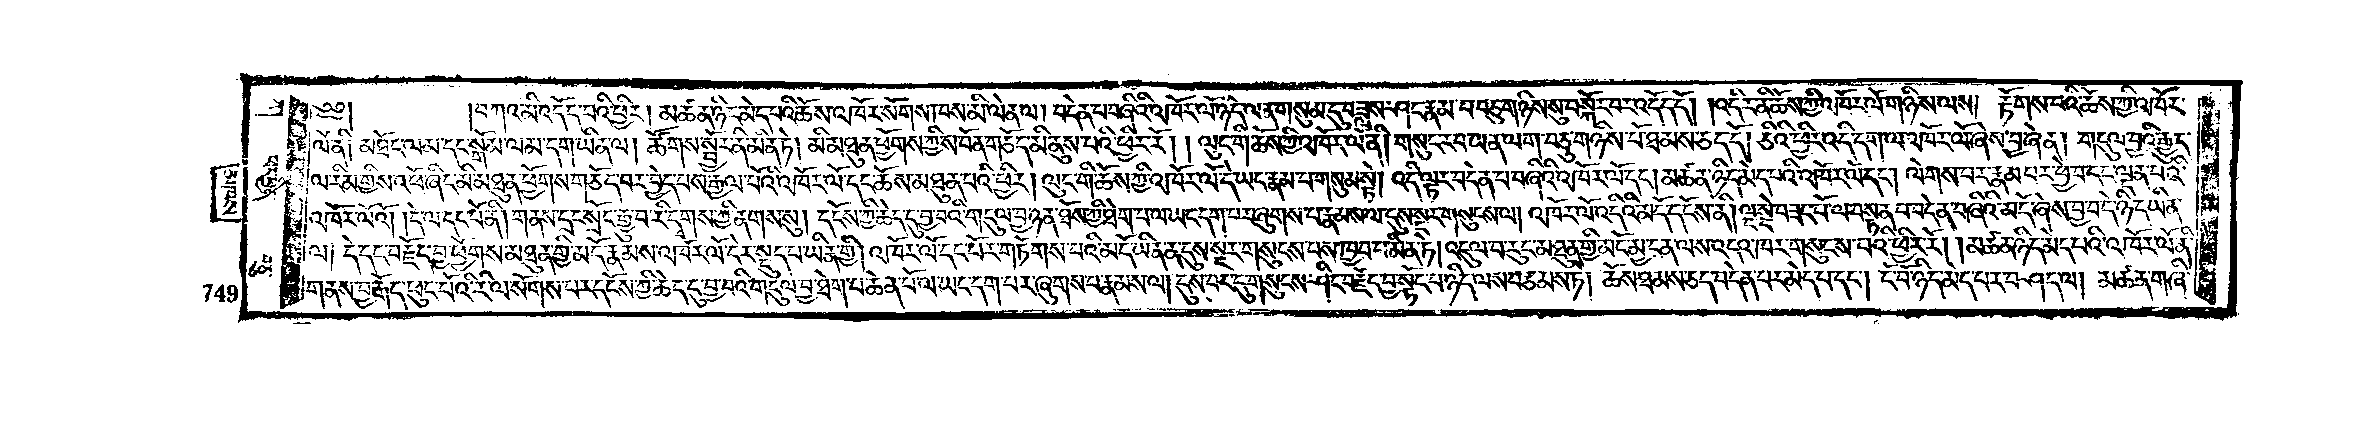༄༅། །བཀའ་མི་འདོད་པའི་ཕྱིར། མཚན་ཉིད་མེད་པའི་ཆོས་འཁོར་སོགས་ཁས་མི་ལེན་ལ། བདེན་པ་བཞིའི་འཁོར་ལོ་ཉིད་ལན་གསུམ་དུ་བཟླས་ཤང་རྣམ་པ་བཅུ་གཉིས་སུ་བསྐོར་བར་འདོད་དོ། །འདིར་ནི་ཆོས་ཀྱི་འཁོར་ལོ་གཉིས་ལས། རྟོགས་པའི་ཆོས་ཀྱི་འཁོར་
ལོ་ནི། མཐོང་ལམ་དང་སྒོམ་ལམ་དག་ཡིན་ལ། ཚོགས་སྦྱོར་ནི་མིན་ཏེ། མི་མཐུན་ཕྱོགས་ཀྱི་ས་བོན་གཅོད་མི་ནུས་པའི་ཕྱིར་རོ། །ལུང་གི་ཆོས་ཀྱི་འཁོར་ལོ་ནི། གསུང་རབ་ཡན་ལག་བཅུ་གཉིས་པོ་ཐམས་ཅད་དོ། ཅིའི་ཕྱིར་འདི་དག་ལ་འཁོར་ལོ་ཞེས་བྱ་ཞེ་ན། གདུལ་བྱའི་རྒྱུད་
ལ་རིམ་གྱིས་འཕོ་ཞིང་མི་མཐུན་ཕྱོགས་གཅོད་བར་བྱེད་པས་རྒྱལ་པོའི་འཁོར་ལོ་དང་ཆོས་མཐུན་པའི་ཕྱིར། ལུང་གི་ཆོས་ཀྱི་འཁོར་ལོ་དེ་ཡང་རྣམ་པ་གསུམ་སྟེ། འདི་ལྟར་བདེན་པ་བཞིའི་འཁོར་ལོ་དང་། མཚན་ཉིད་མེད་པའི་འཁོར་ལོ་དང་། ལེགས་པར་རྣམ་པར་ཕྱེ་བ་དང་ལྡན་པའི་
འཁོར་ལོའོ། །དེ་ལ་དང་པོ་ནི། གནས་དྲང་སྲོང་རྒྱུ་བ་རི་དྭགས་ཀྱི་ནགས་སུ། དངོས་ཀྱི་ཆེད་དུ་བྱ་བའི་གདུལ་བྱ་ཉན་ཐོས་ཀྱི་ཐེག་པ་ལ་ཡང་དག་པར་ཞུགས་པ་རྣམས་ལ་དུས་སྔར་གསུངས་ལ། འཁོར་ལོ་འདིའི་མདོ་དངོས་ནི། ལྔ་སྡེ་བཟང་པོ་ལ་བསྟན་པ་བདེན་བཞིའི་མདོ་ཞེས་བྱ་བ་དེ་ཉིད་ཡིན་
ལ། དེ་དང་བརྗོད་བྱ་ཕྱོགས་མཐུན་གྱི་མདོ་རྣམས་འཁོར་ལོ་དེར་སྡུད་པ་ཡིན་གྱི། འཁོར་ལོ་དང་པོར་གཏོགས་པའི་མདོ་ཡིན་ན་དུས་སྔར་གསུངས་པས་ཁྱབ་པ་མིན་ཏེ། འདུལ་བ་རུང་མཐུན་གྱི་མདོ་མྱ་ངན་ལས་འདའ་ཁར་གསུངས་པའི་ཕྱིར་རོ། །མཚན་ཉིད་མེད་པའི་འཁོར་ལོ་ནི་
གནས་བྱ་རྒོད་ཕུང་པོའི་རི་ལ་སོགས་པར་དངོས་ཀྱི་ཆེད་དུ་བྱ་བའི་གདུལ་བྱ་ཐེག་པ་ཆེན་པོ་ལ་ཡང་དག་པར་ཞུགས་པ་རྣམས་ལ། དུས་བར་དུ་གསུངས་ཤིང་བརྗོད་བྱ་སྟོང་པ་ཉིད་ལས་བརྩམས་ཏེ། ཆོས་ཐམས་ཅད་བདེན་པར་མེད་པ་དང་། ངོ་བོ་ཉིད་མེད་པར་བཤད་ལ། མཚན་གཞི་